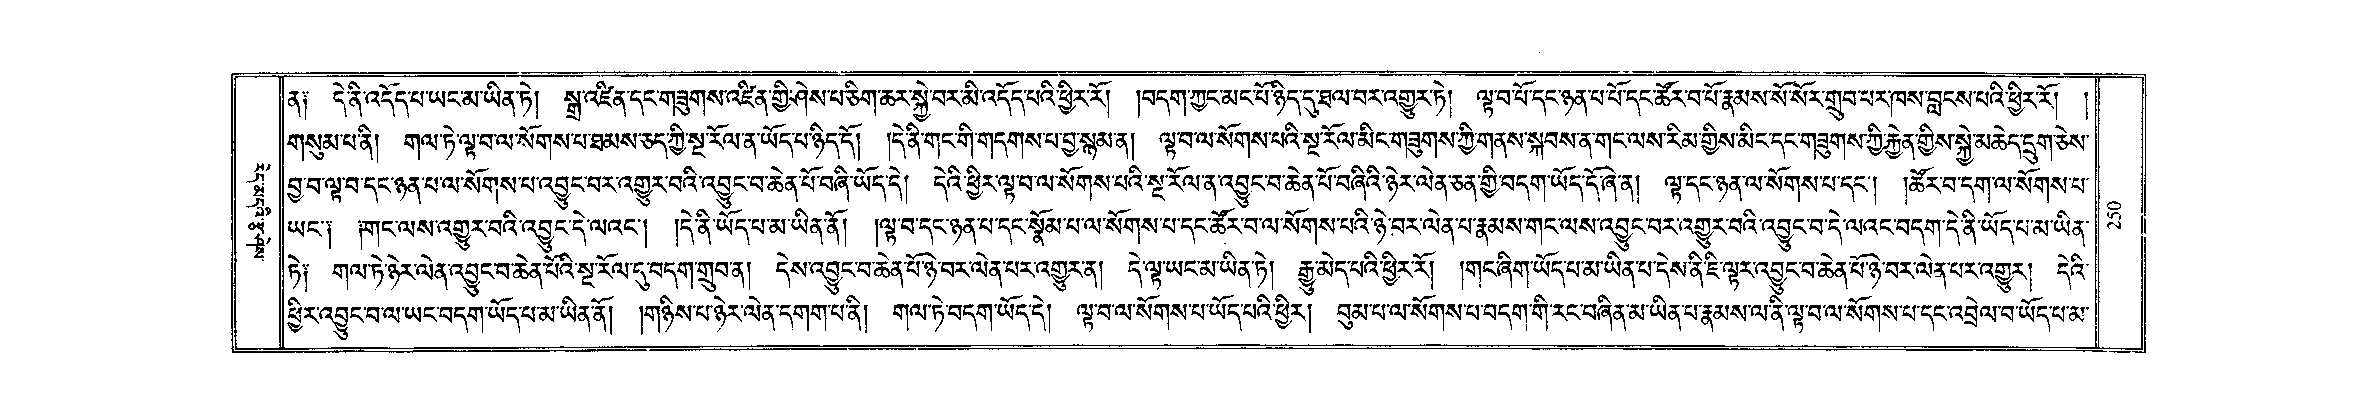ན༑ དེ་ནི་འདོད་པ་ཡང་མ་ཡིན་ཏེ། སྒྲ་འཛིན་དང་གཟུགས་འཛིན་གྱི་ཤེས་པ་ཅིག་ཆར་སྐྱེ་བར་མི་འདོད་པའི་ཕྱིར་རོ། །བདག་ཀྱང་མང་པོ་ཉིད་དུ་ཐལ་བར་འགྱུར་ཏེ། ལྟ་བ་པོ་དང་ཉན་པ་པོ་དང་ཚོར་བ་པོ་རྣམས་སོ་སོར་གྲུབ་པར་ཁས་བླངས་པའི་ཕྱིར་རོ། །
གསུམ་པ་ནི། གལ་ཏེ་ལྟ་བ་ལ་སོགས་པ་ཐམས་ཅད་ཀྱི་སྔ་རོལ་ན་ཡོད་པ་ཉིད་དོ། །དེ་ནི་གང་གི་གདགས་པ་བྱ་སྙམ་ན། ལྟ་བ་ལ་སོགས་པའི་སྔ་རོལ་མིང་གཟུགས་ཀྱི་གནས་སྐབས་ན་གང་ལས་རིམ་གྱིས་མིང་དང་གཟུགས་ཀྱི་རྐྱེན་གྱིས་སྐྱེ་མཆེད་དྲུག་ཅེས་
བྱ་བ་ལྟ་བ་དང་ཉན་པ་ལ་སོགས་པ་འབྱུང་བར་འགྱུར་བའི་འབྱུང་བ་ཆེན་པོ་བཞི་ཡོད་དེ། དེའི་ཕྱིར་ལྟ་བ་ལ་སོགས་པའི་སྔ་རོལ་ན་འབྱུང་བ་ཆེན་པོ་བཞིའི་ཉེར་ལེན་ཅན་གྱི་བདག་ཡོད་དོ་ཞེ་ན། ལྟ་དང་ཉན་ལ་སོགས་པ་དང་། །ཚོར་བ་དག་ལ་སོགས་པ་
ཡང༑ ༑གང་ལས་འགྱུར་བའི་འབྱུང་དེ་ལའང་། །དེ་ནི་ཡོད་པ་མ་ཡིན་ནོ། །ལྟ་བ་དང་ཉན་པ་དང་སྣོམ་པ་ལ་སོགས་པ་དང་ཚོར་བ་ལ་སོགས་པའི་ཉེ་བར་ལེན་པ་རྣམས་གང་ལས་འབྱུང་བར་འགྱུར་བའི་འབྱུང་བ་དེ་ལའང་བདག་དེ་ནི་ཡོད་པ་མ་ཡིན་
ཏེ༑ གལ་ཏེ་ཉེར་ལེན་འབྱུང་བ་ཆེན་པོའི་སྔ་རོལ་དུ་བདག་གྲུབ་ན། དེས་འབྱུང་བ་ཆེན་པོ་ཉེ་བར་ལེན་པར་འགྱུར་ན། དེ་ལྟ་ཡང་མ་ཡིན་ཏེ། རྒྱུ་མེད་པའི་ཕྱིར་རོ། །གང་ཞིག་ཡོད་པ་མ་ཡིན་པ་དེས་ནི་ཇི་ལྟར་འབྱུང་བ་ཆེན་པོ་ཉེ་བར་ལེན་པར་འགྱུར། དེའི་
ཕྱིར་འབྱུང་བ་ལ་ཡང་བདག་ཡོད་པ་མ་ཡིན་ནོ། །གཉིས་པ་ཉེར་ལེན་དགག་པ་ནི། གལ་ཏེ་བདག་ཡོད་དེ། ལྟ་བ་ལ་སོགས་པ་ཡོད་པའི་ཕྱིར། བུམ་པ་ལ་སོགས་པ་བདག་གི་རང་བཞིན་མ་ཡིན་པ་རྣམས་ལ་ནི་ལྟ་བ་ལ་སོགས་པ་དང་འབྲེལ་བ་ཡོད་པ་མ་